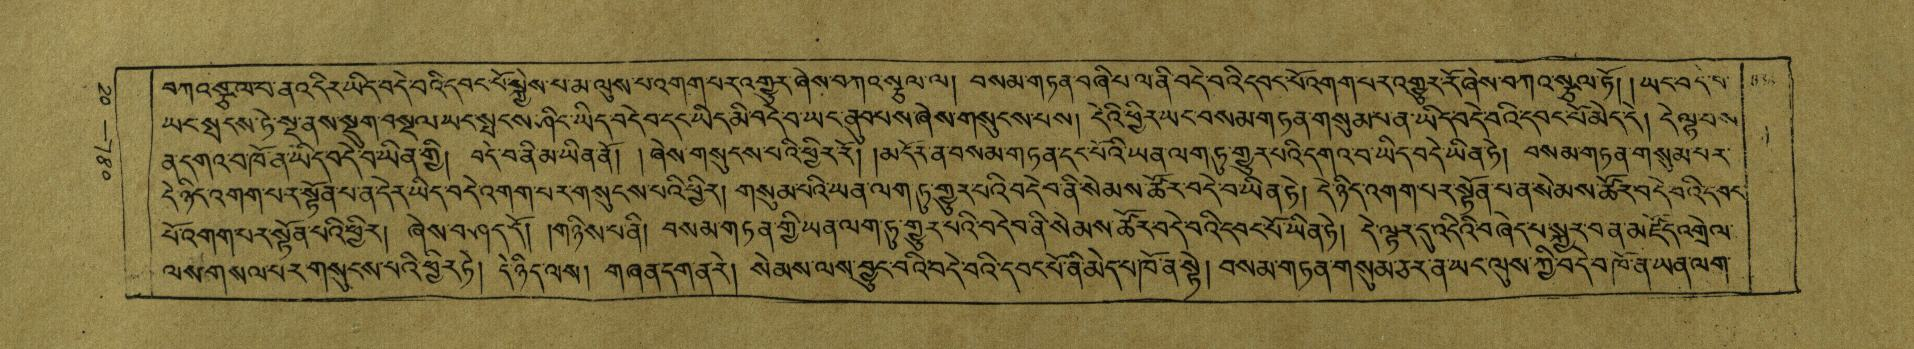བཀའ་སྩལ་བ་ན་འདིར་ཡིད་བདེ་བའི་དབང་པོ་སྐྱེས་པ་མ་ལུས་པ་འགག་པར་འགྱུར་ཞེས་བཀའ་སྩལ་ལ། བསམ་གཏན་བཞི་པ་ལ་ནི་བདེ་བའི་དབང་པོ་འགག་པར་འགྱུར་རོ་ཞེས་བཀའ་སྩལ་ཏོ། །ཡང་བདེ་བ་
ཡང་སྤངས་ཏེ་སྔ་ནས་སྡུག་བསྔལ་ཡང་སྤངས་ཤིང་ཡིད་བདེ་བ་དང་ཡིད་མི་བདེ་བ་ཡང་ནུབ་པས་ཞེས་གསུངས་པས། དེའི་ཕྱིར་ཡང་བསམ་གཏན་གསུམ་པ་ན་ཡིད་བདེ་བའི་དབང་པོ་མེད་དེ། དེ་ལྟ་བས་
ན་དགའ་བ་ཁོ་ན་ཡིད་བདེ་བ་ཡིན་གྱི། བདེ་བ་ནི་མ་ཡིན་ནོ། །ཞེས་གསུངས་པའི་ཕྱིར་རོ། །མདོར་ན་བསམ་གཏན་དང་པོའི་ཡན་ལག་ཏུ་གྱུར་པའི་དགའ་བ་ཡིན་བདེ་ཡིན་ཏེ། བསམ་གཏན་གསུམ་པར་དེ་ཉིད་
འགག་པར་སྟོན་པ་ན་དེར་ཡིད་བདེ་འགག་པར་གསུངས་པའི་ཕྱིར། གསུམ་པའི་ཡན་ལག་ཏུ་གྱུར་པའི་བདེ་བ་ནི་སེམས་ཚོར་བདེ་བ་ཡིན་ཏེ། དེ་ཉིད་འགག་པར་སྟོན་པ་ན་སེམས་ཚོར་བདེ་བའི་དབང་
པོ་འགག་པར་སྟོན་པའི་ཕྱིར། ཞེས་བཤད་དོ། །གཉིས་པ་ནི། བསམ་གཏན་གྱི་ཡན་ལག་ཏུ་གྱུར་པའི་བདེ་བ་ནི་སེམས་ཚོར་བདེ་བའི་དབང་པོ་ཡིན་ཏེ། དེ་ལྟར་དུ་འདིའི་བཞེད་པ་སྐྱར་བ་ན་མཛོད་འགྲེལ་
ལས་གསལ་པར་གསུངས་པའི་ཕྱིར་ཏེ། དེ་ཉིད་ལས། གཞན་དག་ན་རེ། སེམས་ལས་བྱུང་བདེ་བའི་དབང་པོ་ནི་མེད་པ་ཁོ་ན་སྟེ། བསམ་གཏན་གསུམ་ཅར་ན་ཡང་ལུས་ཀྱི་བདེ་བ་ཁོ་ན་ཡན་ལག་